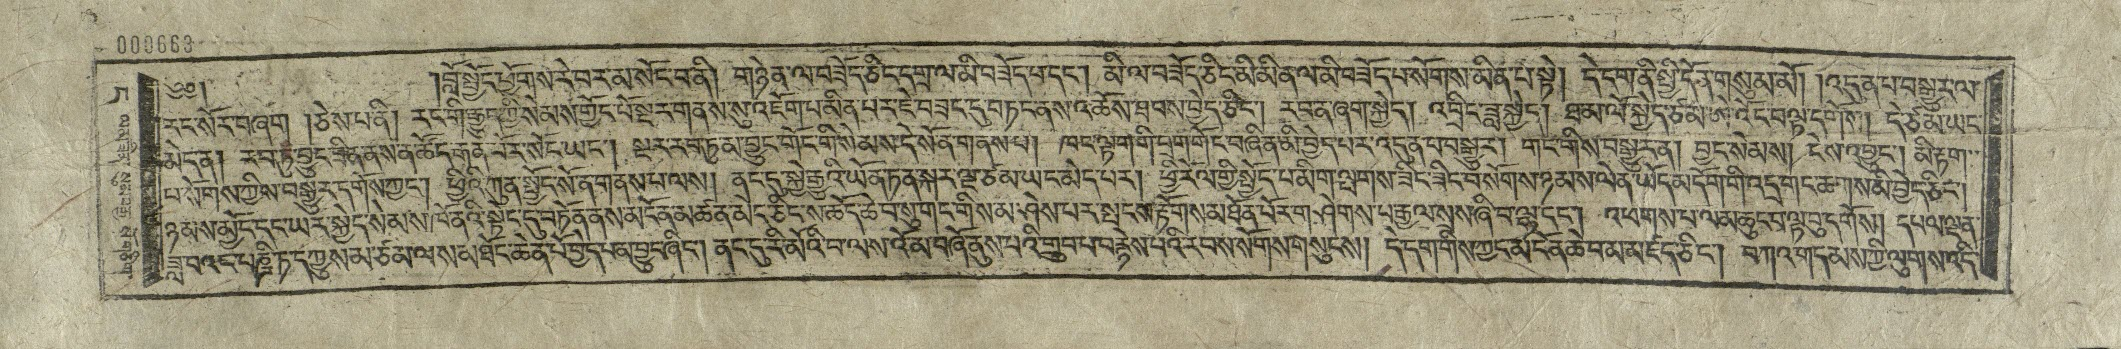༄༅། །བློ་སྦྱོང་ཕྱོགས་རེ་བར་མ་སོང་བ་ནི། གཉེན་ལ་བཟོད་ཅིང་དགྲ་ལ་མི་བཟོད་པ་དང་། མི་ལ་བཟོད་ཅིང་མི་མིན་ལ་མི་བཟོད་པ་སོགས་མིན་པ་སྟེ། དེ་དག་ནི་སྤྱི་དོན་གསུམ་མོ། །འདུན་པ་བསྒྱུར་ལ་
རང་སོར་བཞག །ཅེས་པ་ནི། རང་གི་རྒྱུད་ཀྱི་སེམས་གྱོང་པོ་སྔར་གནས་སུ་འཇོག་པ་མིན་པར་ཇེ་བཟང་དུ་བཏང་ནས་འཆོས་ཐབས་བྱེད་ཅིང་། རབ་ན་ཞག་སྐྱེད། འབྲིང་ཟླ་སྐྱེད། ཐ་མ་ལོ་སྐྱེད་ཙམ་ཨེ་འོང་བལྟ་དགོས། དེ་ཙམ་ཡང་
མེད་ན། རབ་ཏུ་བྱུང་ཟིན་ནས་ན་ཚོད་རྒན་པོར་སོང་ཡང་། སྔར་རབ་ཏུ་མ་བྱུང་གོང་གི་སེམས་དེ་སོ་ན་གནས་པ། ཁང་ལྟག་གི་བྲག་གོང་བཞིན་མི་བྱེད་པར་འདུན་པ་བསྒྱུར། གང་གིས་བསྒྱུར་ན། བྱང་སེམས། ངེས་འབྱུང་། མི་རྟག་
པ་སོགས་ཀྱིས་བསྒྱུར་དགོས་ཀྱང་། ཕྱིའི་ཀུན་སྤྱོད་སོ་ན་གནས་པ་ལས། ནང་དུ་སྐྱེ་རྒྱུའི་ཡོན་ཏན་སྐར་ལྔ་ཙམ་ཡང་མེད་པར། ཕྱི་རོལ་གྱི་སྤྱོད་པ་མིག་ལྤགས་ཟིང་ཟིང་བ་སོགས་ཉམས་ལེན་ཡོད་མདོག་གི་འདྲ་གང་ཆགས་མི་བྱེད་ཅིང་།
ཉམས་མྱོད་དང་ཡར་སྐྱེད་སེམས་ཁོ་ནའི་སྟེང་དུ་བཏོན་ནས་མངོན་མཚན་མེད་ཅིང་ས་ཆོད་ཆེ་བ་སུ་གང་གིས་མ་ཤེས་པར་སྤངས་རྟོགས་མཐོན་པོར་གཤེགས་པ་རྒྱལ་སྲས་ཞི་བ་ལྷ་དང་། འཕགས་པ་ལམ་ཆུང་བ་ལྟ་བུ་དགོས། དཔལ་ལྡན་
ཟླ་བའང་པཎྜི་ཏ་དཀྱུས་མ་ཙམ་ལས་མཐོང་ཆེན་པོ་བྱེད་པ་མ་བྱུང་ཞིང་། ནང་དུ་རི་མོའི་བ་ལས་འོ་མ་བཞོ་ནུས་པའི་གྲུབ་པ་བརྙེས་པའི་རབས་སོགས་གསུངས། དེ་དག་གིས་ཀྱང་མངོན་ཆེ་བ་མ་མཛད་ཅིང་། བཀའ་གདམས་ཀྱི་ལུགས་འདི་